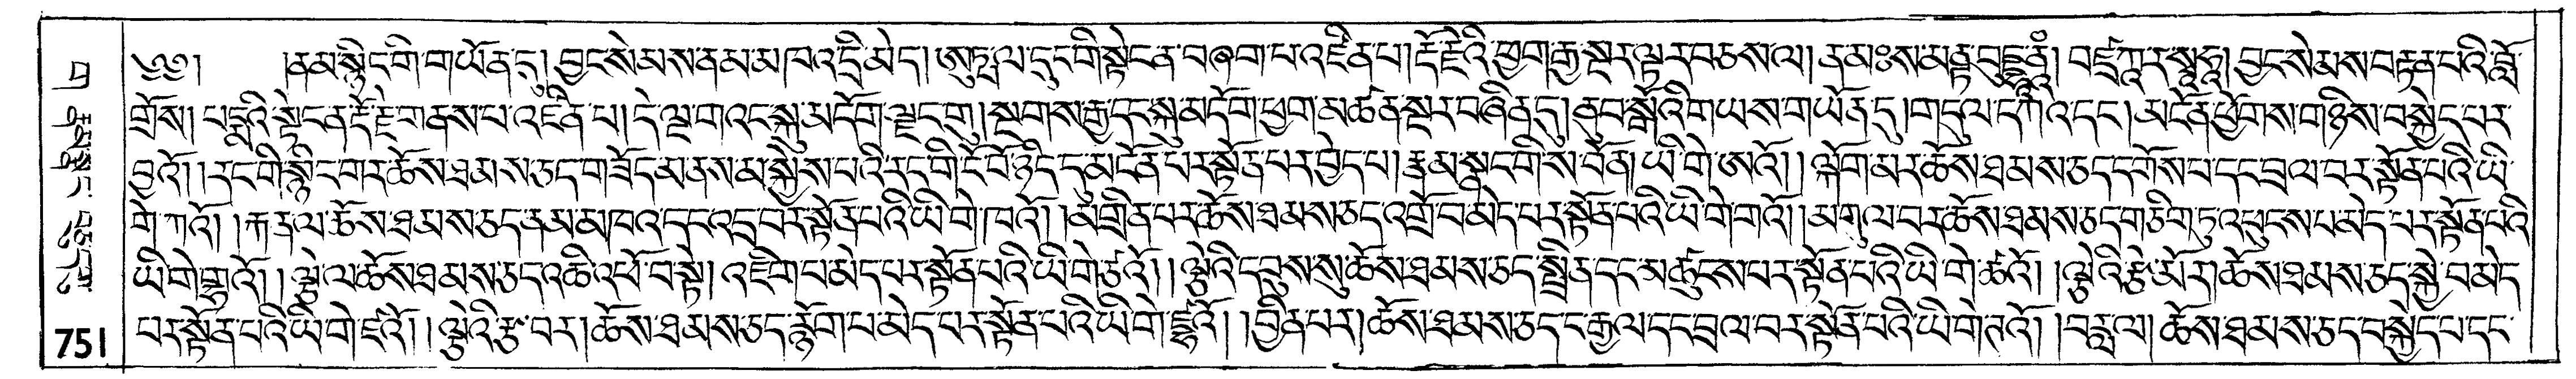༄༅། །ནམ་སྙིང་གི་གཡོན་དུ། བྱང་སེམས་ནམ་མཁའ་དྲི་མེད། ཨུཏྤ་ལ་དུང་གི་སྟེང་ན་བཞག་པ་འཛིན་པ། རྡོ་རྗེའི་ཕྱག་རྒྱ་སྔར་ལྟར་བཅས་ལ། ན་མཿ ས་མནྟ་བུདྡྷཱ་ནཱཾ། བཛྲ་ཀཱ་ར་སྭཱཧཱ། བྱང་སེམས་བརྟན་པའི་བློ་
གྲོས། པདམའི་སྟེང་ན་རྡོ་རྗེ་གནས་པ་འཛིན་པ། དེ་ལྔ་གའང་སྐུ་མདོག་ལྗང་གུ །སྔགས་རྒྱ་དང་སྐུ་མདོག་ཕྱག་མཚན་སྔར་བཞིན་དུ། ནུབ་སྒོའི་གཡས་གཡོན་དུ། གདུལ་དཀའ་དང་། མངོན་ཕྱོགས་གཉིས་བསྐྱེད་པར་
བྱའོ། །རང་གི་སྙིང་གར་ཆོས་ཐམས་ཅད་གཟོད་མ་ནས་མ་སྐྱེས་པའི་རང་གི་ངོ་བོ་ཉིད་དུ་མངོན་པར་སྟོན་པར་བྱེད་པ། རྣམ་སྣང་གི་ས་བོན། ཡི་གེ་O། །ལྐོག་མར་ཆོས་ཐམས་ཅད་དགོས་པ་དང་བྲལ་བར་སྟོན་པའི་ཡི་
གེ་ཀའོ། །རྐན་ལ་ཆོས་ཐམས་ཅད་ནམ་མཁའ་དང་འདྲ་བར་སྟོན་པའི་ཡི་གེ་ཁའོ། །མགྲིན་པར་ཆོས་ཐམས་ཅད་འགྲོ་བ་མེད་པར་སྟོན་པའི་ཡི་གེ་གའོ། །མགུལ་བར་ཆོས་ཐམས་ཅད་གཅིག་ཏུ་འཕུངས་པ་མེད་པར་སྟོན་པའི་
ཡི་གེ་གྷའོ། །ལྕེ་ལ་ཆོས་ཐམས་ཅད་འཆི་འཕོ་བ་སྟེ། འཇིག་པ་མེད་པར་སྟོན་པའི་ཡི་གེ་ཙའོ། །ལྕེའི་དབུས་སུ་ཆོས་ཐམས་ཅད་སྤྲིན་དང་མཚུངས་པར་སྟོན་པའི་ཡི་གེ་ཚའོ། །ལྕེའི་རྩེ་མོར། ཆོས་ཐམས་ཅད་སྐྱེ་བ་མེད་
པར་སྟོན་པའི་ཡི་གེ་ཛའོ། །ལྕེའི་རྩ་བར། ཆོས་ཐམས་ཅད་རྙོག་པ་མེད་པར་སྟོན་པའི་ཡི་གེ་ཛྷའོ། །བྱིན་པར། ཆོས་ཐམས་ཅད་ང་རྒྱལ་དང་བྲལ་བར་སྟོན་པའི་ཡི་གེ་ཊའོ། །བརླ་ལ། ཆོས་ཐམས་ཅད་བསྐྱེད་པ་དང་